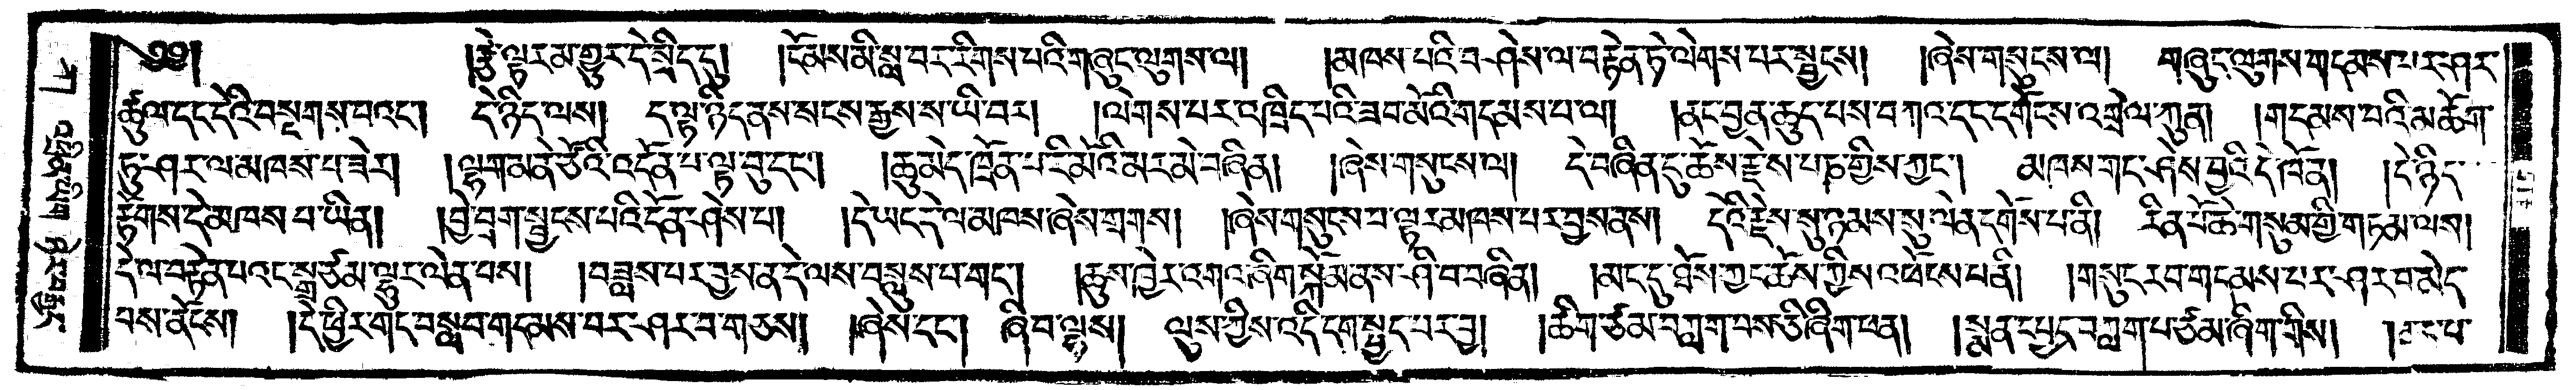༄༅། །རྩེ་ལྟར་མ་གྱུར་དེ་སྲིད་དུ། །ངོས་མི་སླ་བར་རིགས་པའི་གཞུང་ལུགས་ལ། །མཁས་པའི་བཤེས་ལ་བརྟེན་ཏེ་ལེགས་པར་སྦྱངས། །ཞེས་གསུངས་ལ། གཞུང་ལུགས་གདམས་པར་ཤར་
ཚུལ་དང་དེའི་བསྔགས་པའང་། དེ་ཉིད་ལས། ད་ལྟ་ཉིད་ནས་སངས་རྒྱས་ས་ཡི་བར། །ལེགས་པར་འཁྲིད་པའི་ཟབ་མོའི་གདམས་པ་ལ། །ནང་བྱན་ཆུད་པས་བཀའ་དང་དགོངས་འགྲེལ་ཀུན། །གདམས་པའི་མཆོག་
ཏུ་ཤར་ལ་མཁས་པ་ཟེར། །ལྷག་མ་ནེ་ཙེའི་འདོད་པ་ལྟ་བུ་དང་། །ཆུ་མེད་ཁྲོན་པ་རི་མོའི་མར་མེ་བཞིན། །ཞེས་གསུངས་ལ། དེ་བཞིན་དུ་ཆོས་རྗེས་པཎ་གྱིས་ཀྱང་། མཁས་གང་ཤེས་བྱའི་དེ་ཁོན། །དེ་ཉིད་
རྟགས་དེ་མཁས་པ་ཡིན། །བྱེ་བྲག་སྦྱངས་པའི་དོན་ཤེས་པ། །དེ་ཡང་དེ་ལ་མཁས་ཞེས་གྲགས། །ཞེས་གསུངས་པ་ལྟར་མཁས་པར་བྱས་ནས། དེའི་རྗེས་སུ་ཉམས་སུ་ལེན་དགོས་པ་ནི། རིན་པོ་ཆེ་གསུམ་གྱི་གཏམ་ལས།
དེ་ལ་བརྟེན་པའང་སྒྲ་ཙམ་ལྷུར་ལེན་པས། །བཟླས་པར་བྱས་ན་དེ་ལས་བསླུས་པ་གང་། །ཆུས་ཁྱེར་འགའ་ཞིག་སྐོམ་ནས་ཤི་བ་བཞིན། །མང་དུ་ཐོས་ཀྱང་ཆོས་ཀྱིས་འཕོངས་པ་ནི། །གསུང་རབ་གདམས་པར་ཤར་བ་མེད་
པས་ནོངས། །དེ་ཕྱིར་གང་བསླབ་གདམས་བར་ཤར་བ་གཅས། །ཞེས་དང་། ཞིབ་ལྷས། ལུས་ཀྱིས་འདི་དག་སྤྱད་པར་བྱ། །ཚིག་ཙམ་བཀླག་པས་ཅི་ཞིག་ཕན། །སྨན་དཔྱད་བཀླག་པ་ཙམ་ཞིག་གིས། །ནང་པ་